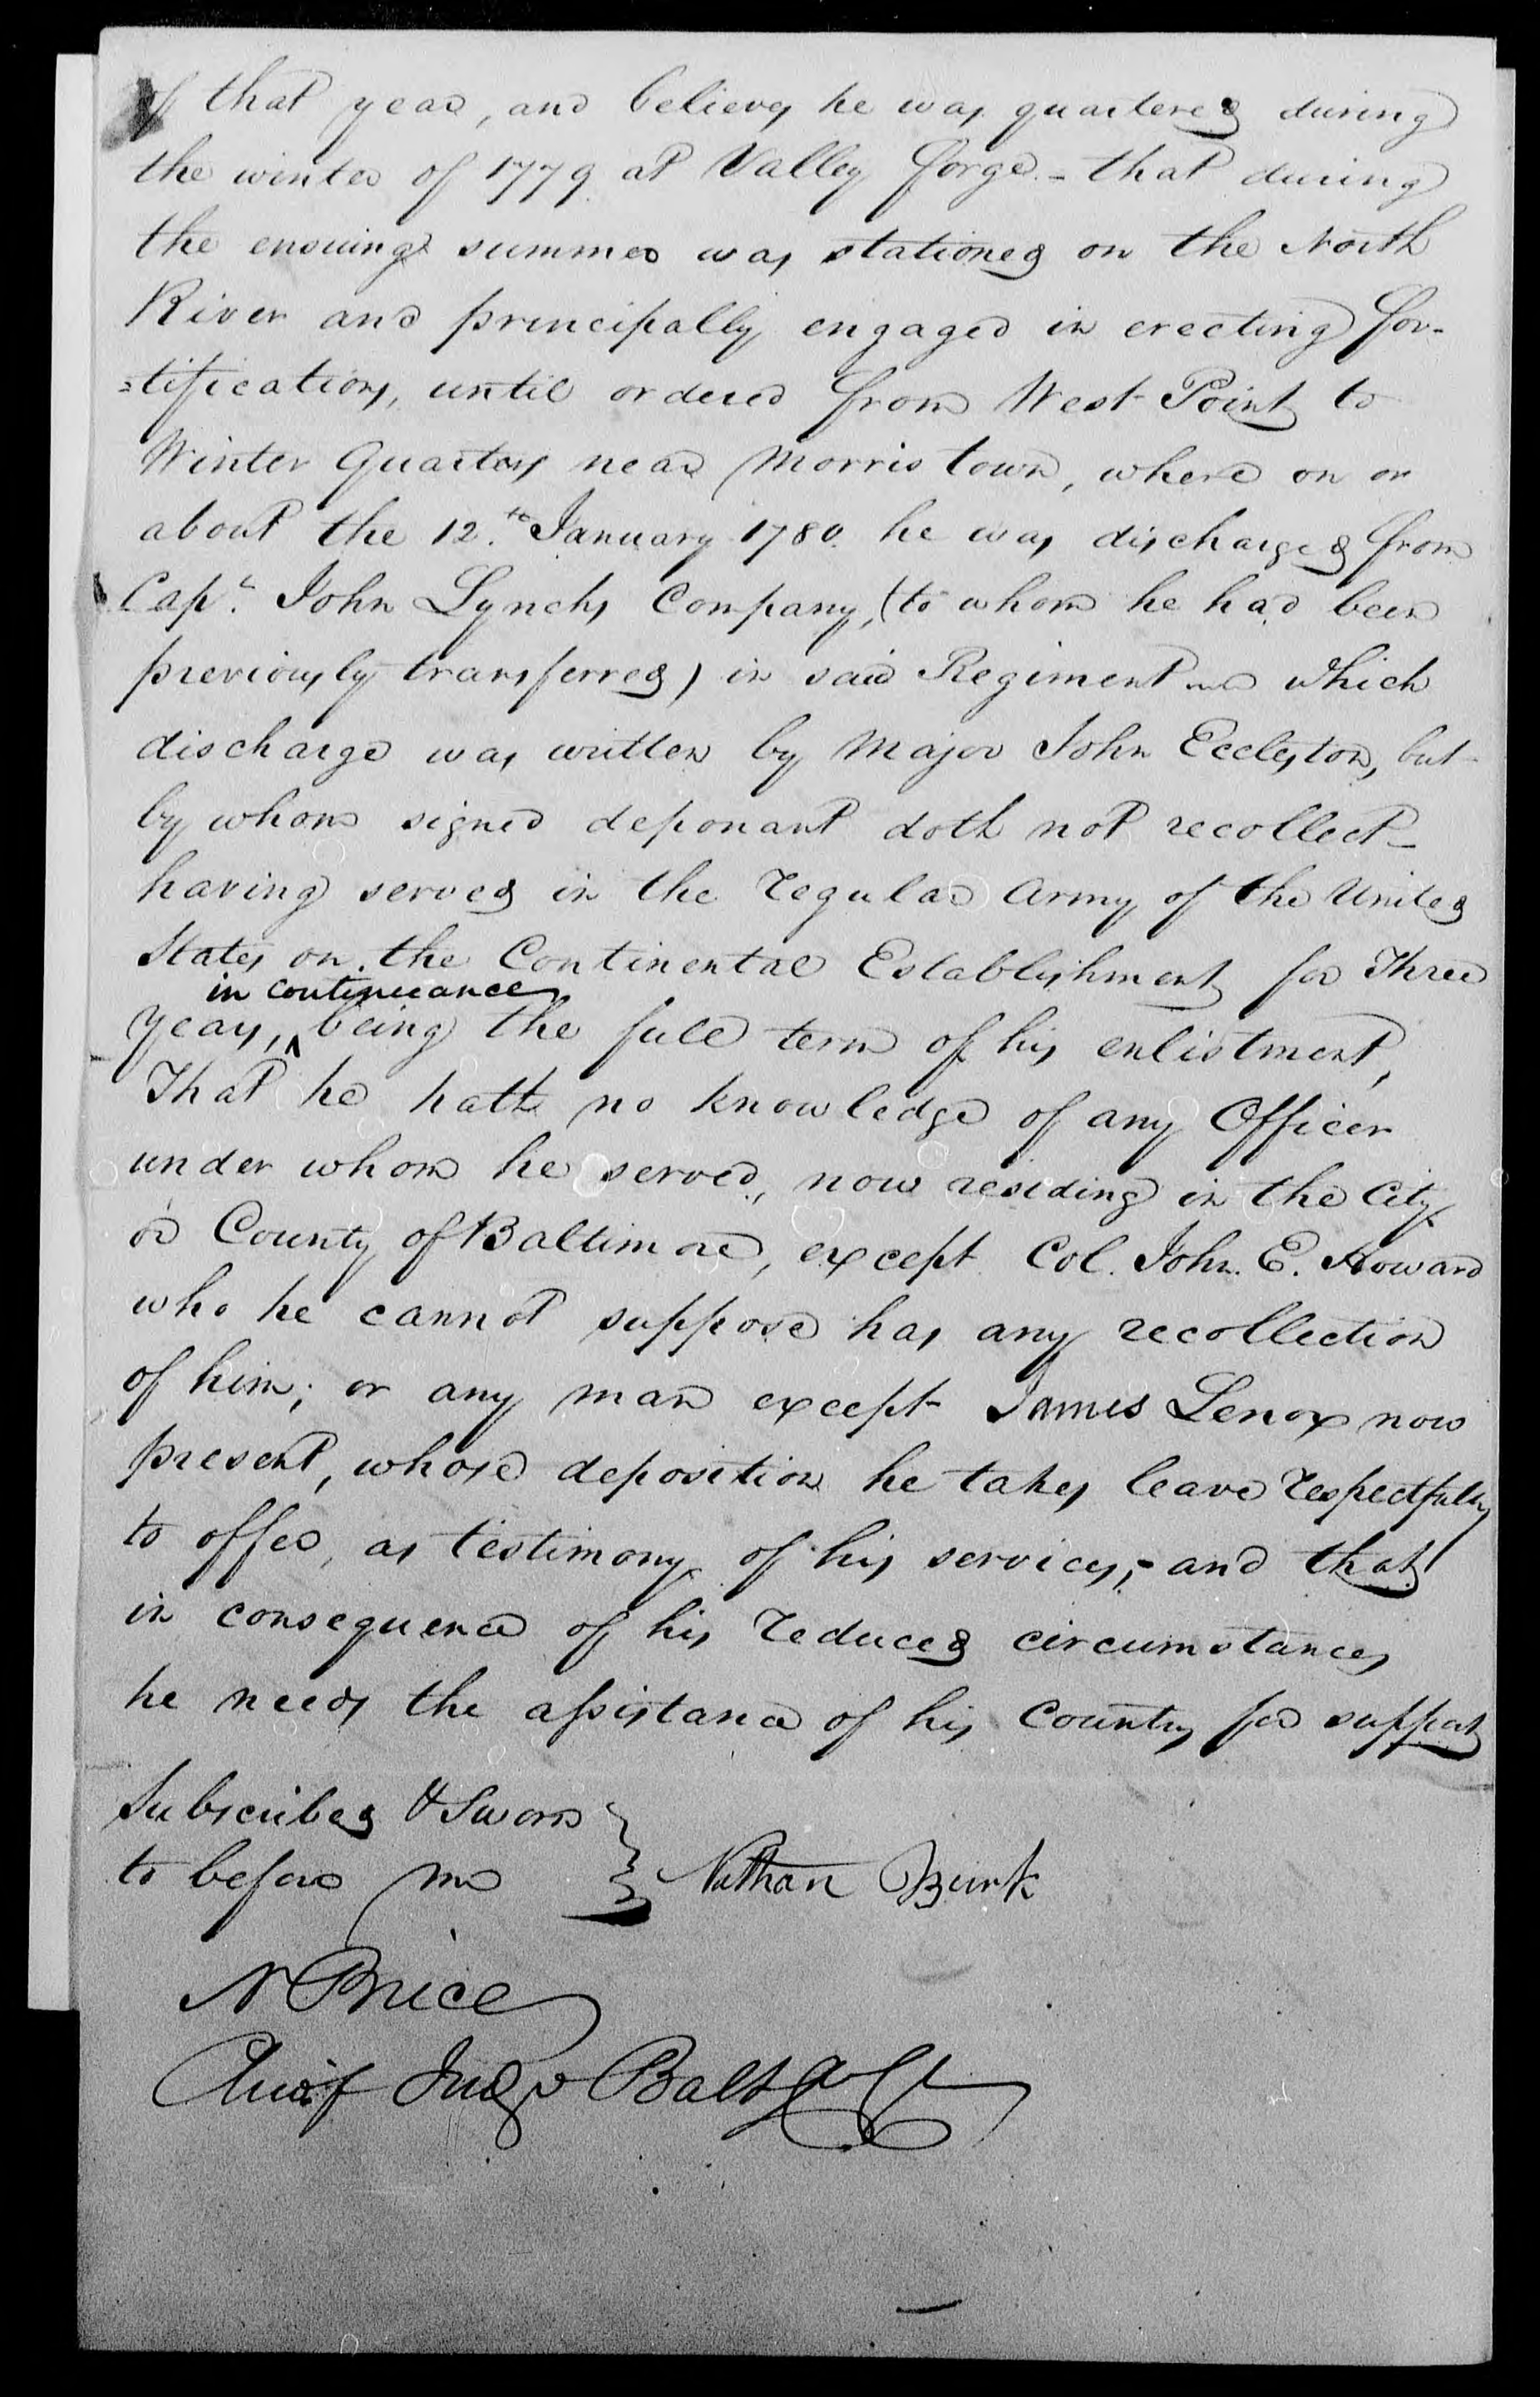of that year, and believes he was quartered during the winter of 1779 at Valley Forge - that during the ensuing summer was stationed on the North River and principally engaged in erecting for-tifications, until ordered from West-Point to Winter Quarters near Morris Town, where on or about the 12th January 1780 he was discharged from Capt. John Lynchs Company, (to whom he had been previously transferred, in said Regiment and which discharge was written by Major John Eccleston, but by whom signed deponant doth not recollect - having served in the Regular Army of the United States on the Continental Establishment for three years in continuance being the full term of his enlistment. That he hath no knowledge of any Officer under whom he served, now residing in the City or County of Baltimore, except Col. John E. Howard who he cannot suppose has any recollection of him; or any man except James Lenox now present, whose depositions he takes leave respectfully to offer as testimony of his services; and that in consequence of his reduced circumstances he needs the apistance of his country for suffering [illegible] [illegible] to before me.  
Nathan Burk

[illegible]
Chief Judge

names: John Eccleston, N Brice, John E Howard, James Lenox, Nathan Burk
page: 4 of 20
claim: survivor's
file: S. 34674, Nathan Burk, Md.